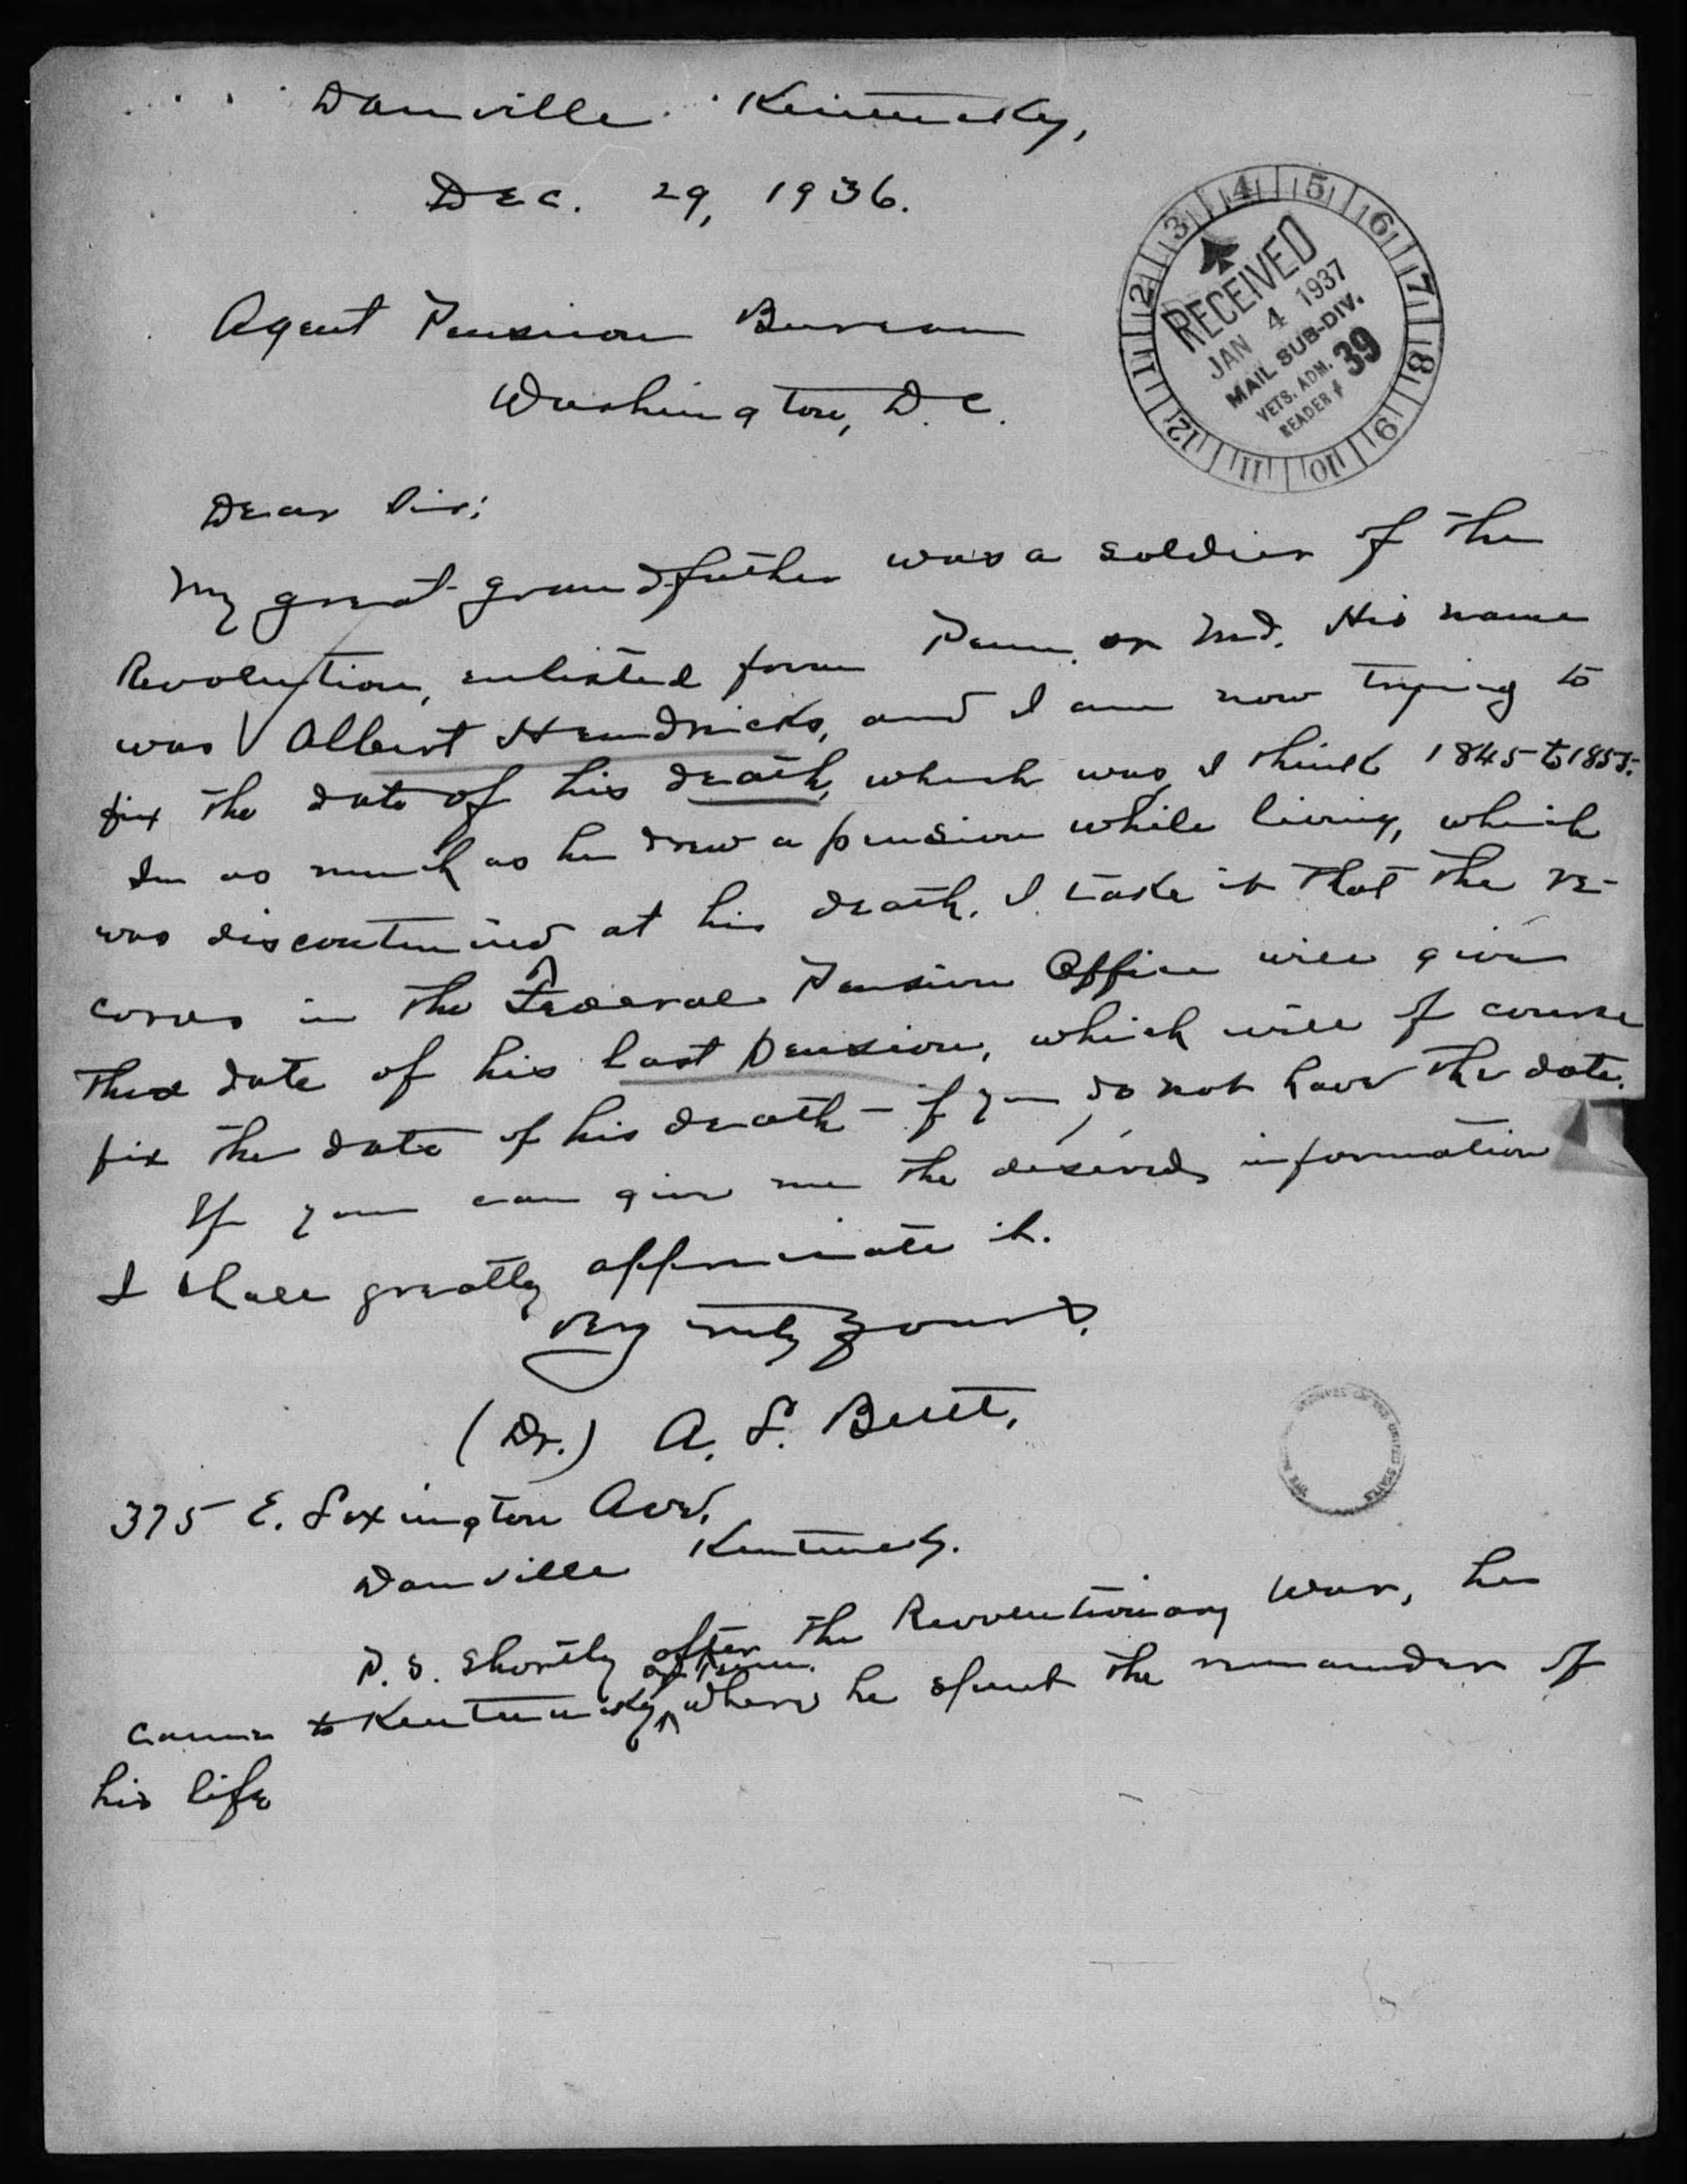Danville Kentucky
Dec. 29, 1936. 

Agent Pension Bureau
Washington, D. C.
[Circular date and mail receipt stamp]
Arrow pointing to 3:15
RECEIVED 
JAN 4 1937
MAIL SUB-DIV.
VETS. ADM. 
READER # 39

Dear Sir:

My great-grandfather was a soldier of the
Revolution, enlisted from Penn. or Md.  His name 
was Albert Hendricks, and I am now trying to 
fix the date of his death, which was I think 1845 to 1855. 
In so much as he drew a pension while living, which 
was discontinued at his death, I take it that the re
cords in the Federal Pension Office will give 
the date of his last pension, which will of course 
fix the date of his death, if you do not have the date.

If you can give me the desired information 
I shall greatly appreciate it.

Very truly yours

(Dr.) A. L. Butt
375 E. Lexington Aave.
Danville, Kentucky
[Circular stamp National Archives]
THE NATIONAL ARCHIVES OF THE UNITED STATES 

P.S. Shortly after the Revolutionary War, he 
came to Kentucky or Tenn. where he spent the remainder of 
his life.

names: A L Butt, Albert Hendricks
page: 68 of 76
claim: widow's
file: W. 83, Albert Hendricks, Continental Md. N.C.